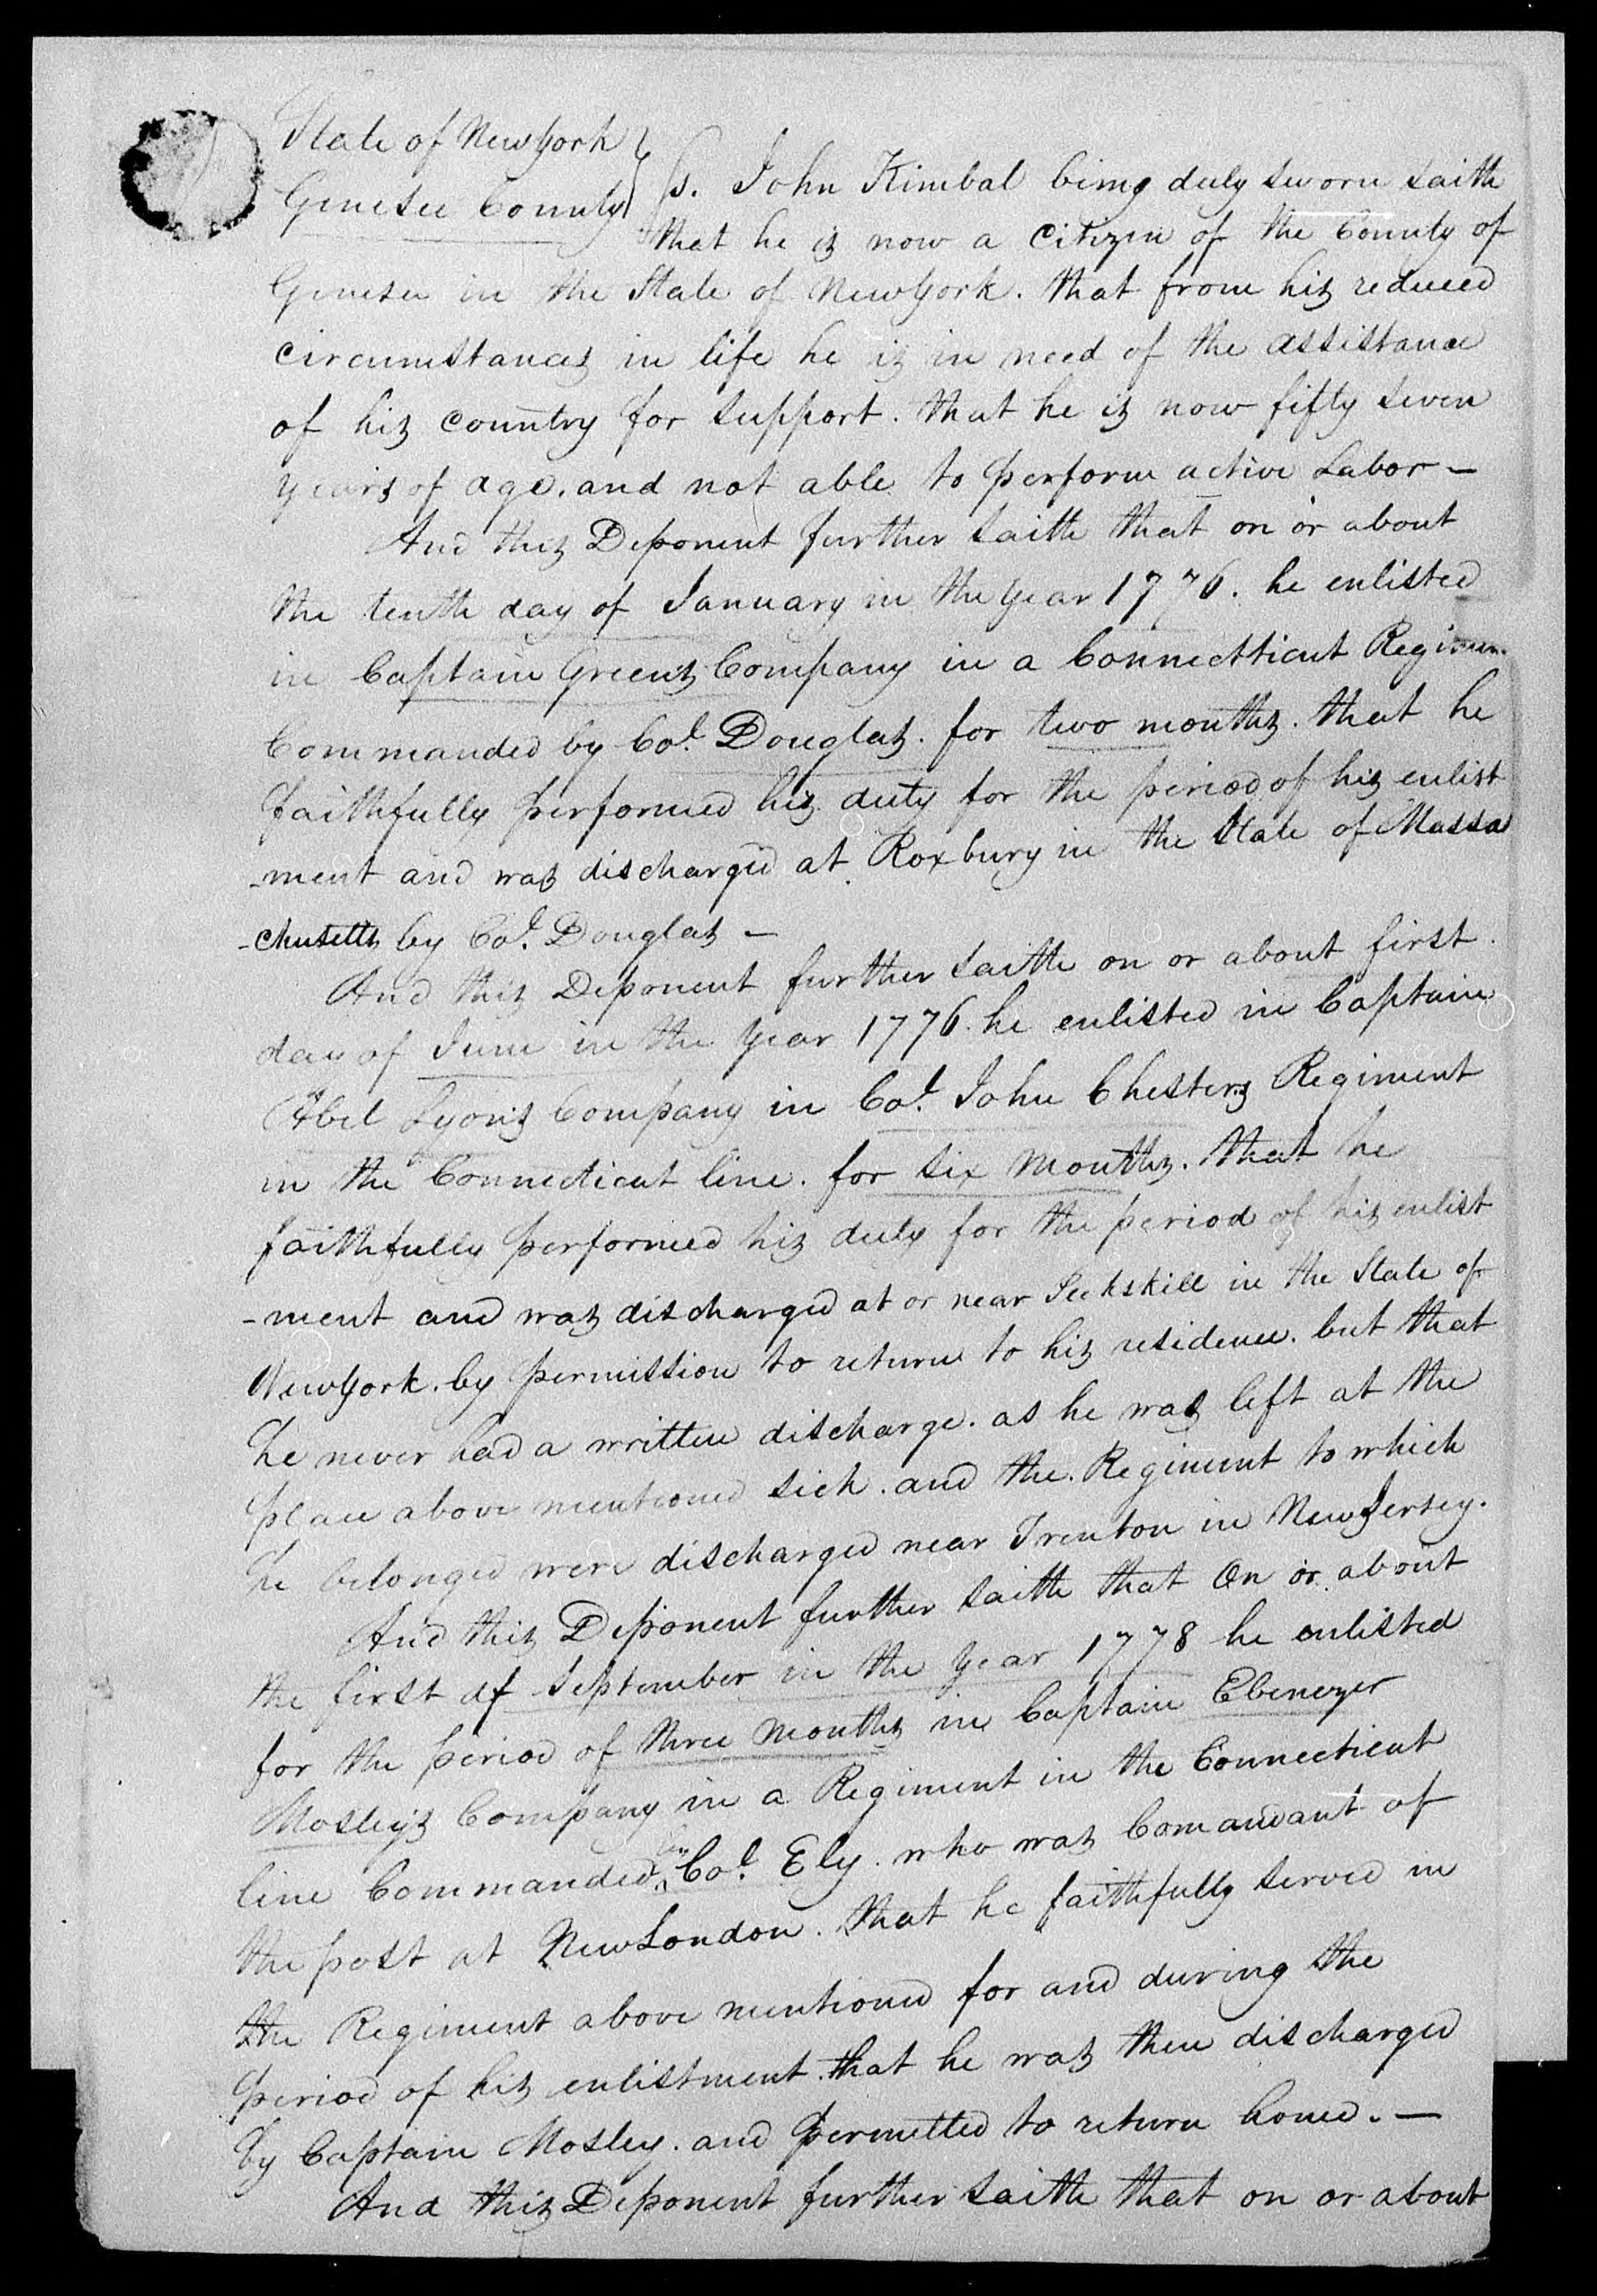State of New York }
Genesee County } Ss. John Kimbal being duly sworn saith that he is now a citizen of the County of Genesee in the State of New York. That from his reduced circumstances in life he is in need of the assistance of his country for support. That he is now fifty seven years of age, and not able to perform active labor -
And this Deponent further saith that on or about the tenth day of January in the year 1776 he enlisted in Captain Green's Company in a Connecticut Regiment Commanded by Col. Douglas. for two months. that he faithfully performed his duty for the period of his enlistment and was discharged at Roxbury in the State of Massachusetts by Col. Douglas -
And this Deponent further saith on or about first day of June in the year 1776 he enlisted in Captain Abel Lyon's Company in Col. John Chester's Regiment in the Connecticut line for six months. That he faithfully performed his duty for the period of his enlistment and was discharged at or near Peekskill in the State of New York by permission to return to his residence, but that he never had a written discharge as he was left at the place above mentioned sick and the Regiment to which he belonged were discharged near Trenton in New Jersey.
And this Deponent further saith that on or about the first of September in the year 1778 he enlisted for the period of three months in Captain Ebenezer Mosley's Company in a Regiment in the Connecticut line Commanded by Col. Ely who was Commandant of the post at New London. That he faithfully served in the Regiment above mentioned for and during the period of his enlistment. that he was there discharged by Captain Moseley. and permitted to return home. -
And this Deponent further saith that on or about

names: [BLANK] Douglas; [BLANK] Mosley; John Kimbal; [BLANK] Ely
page: 11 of 36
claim: survivor's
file: S. 42,792, for John Kimball, Connecticut